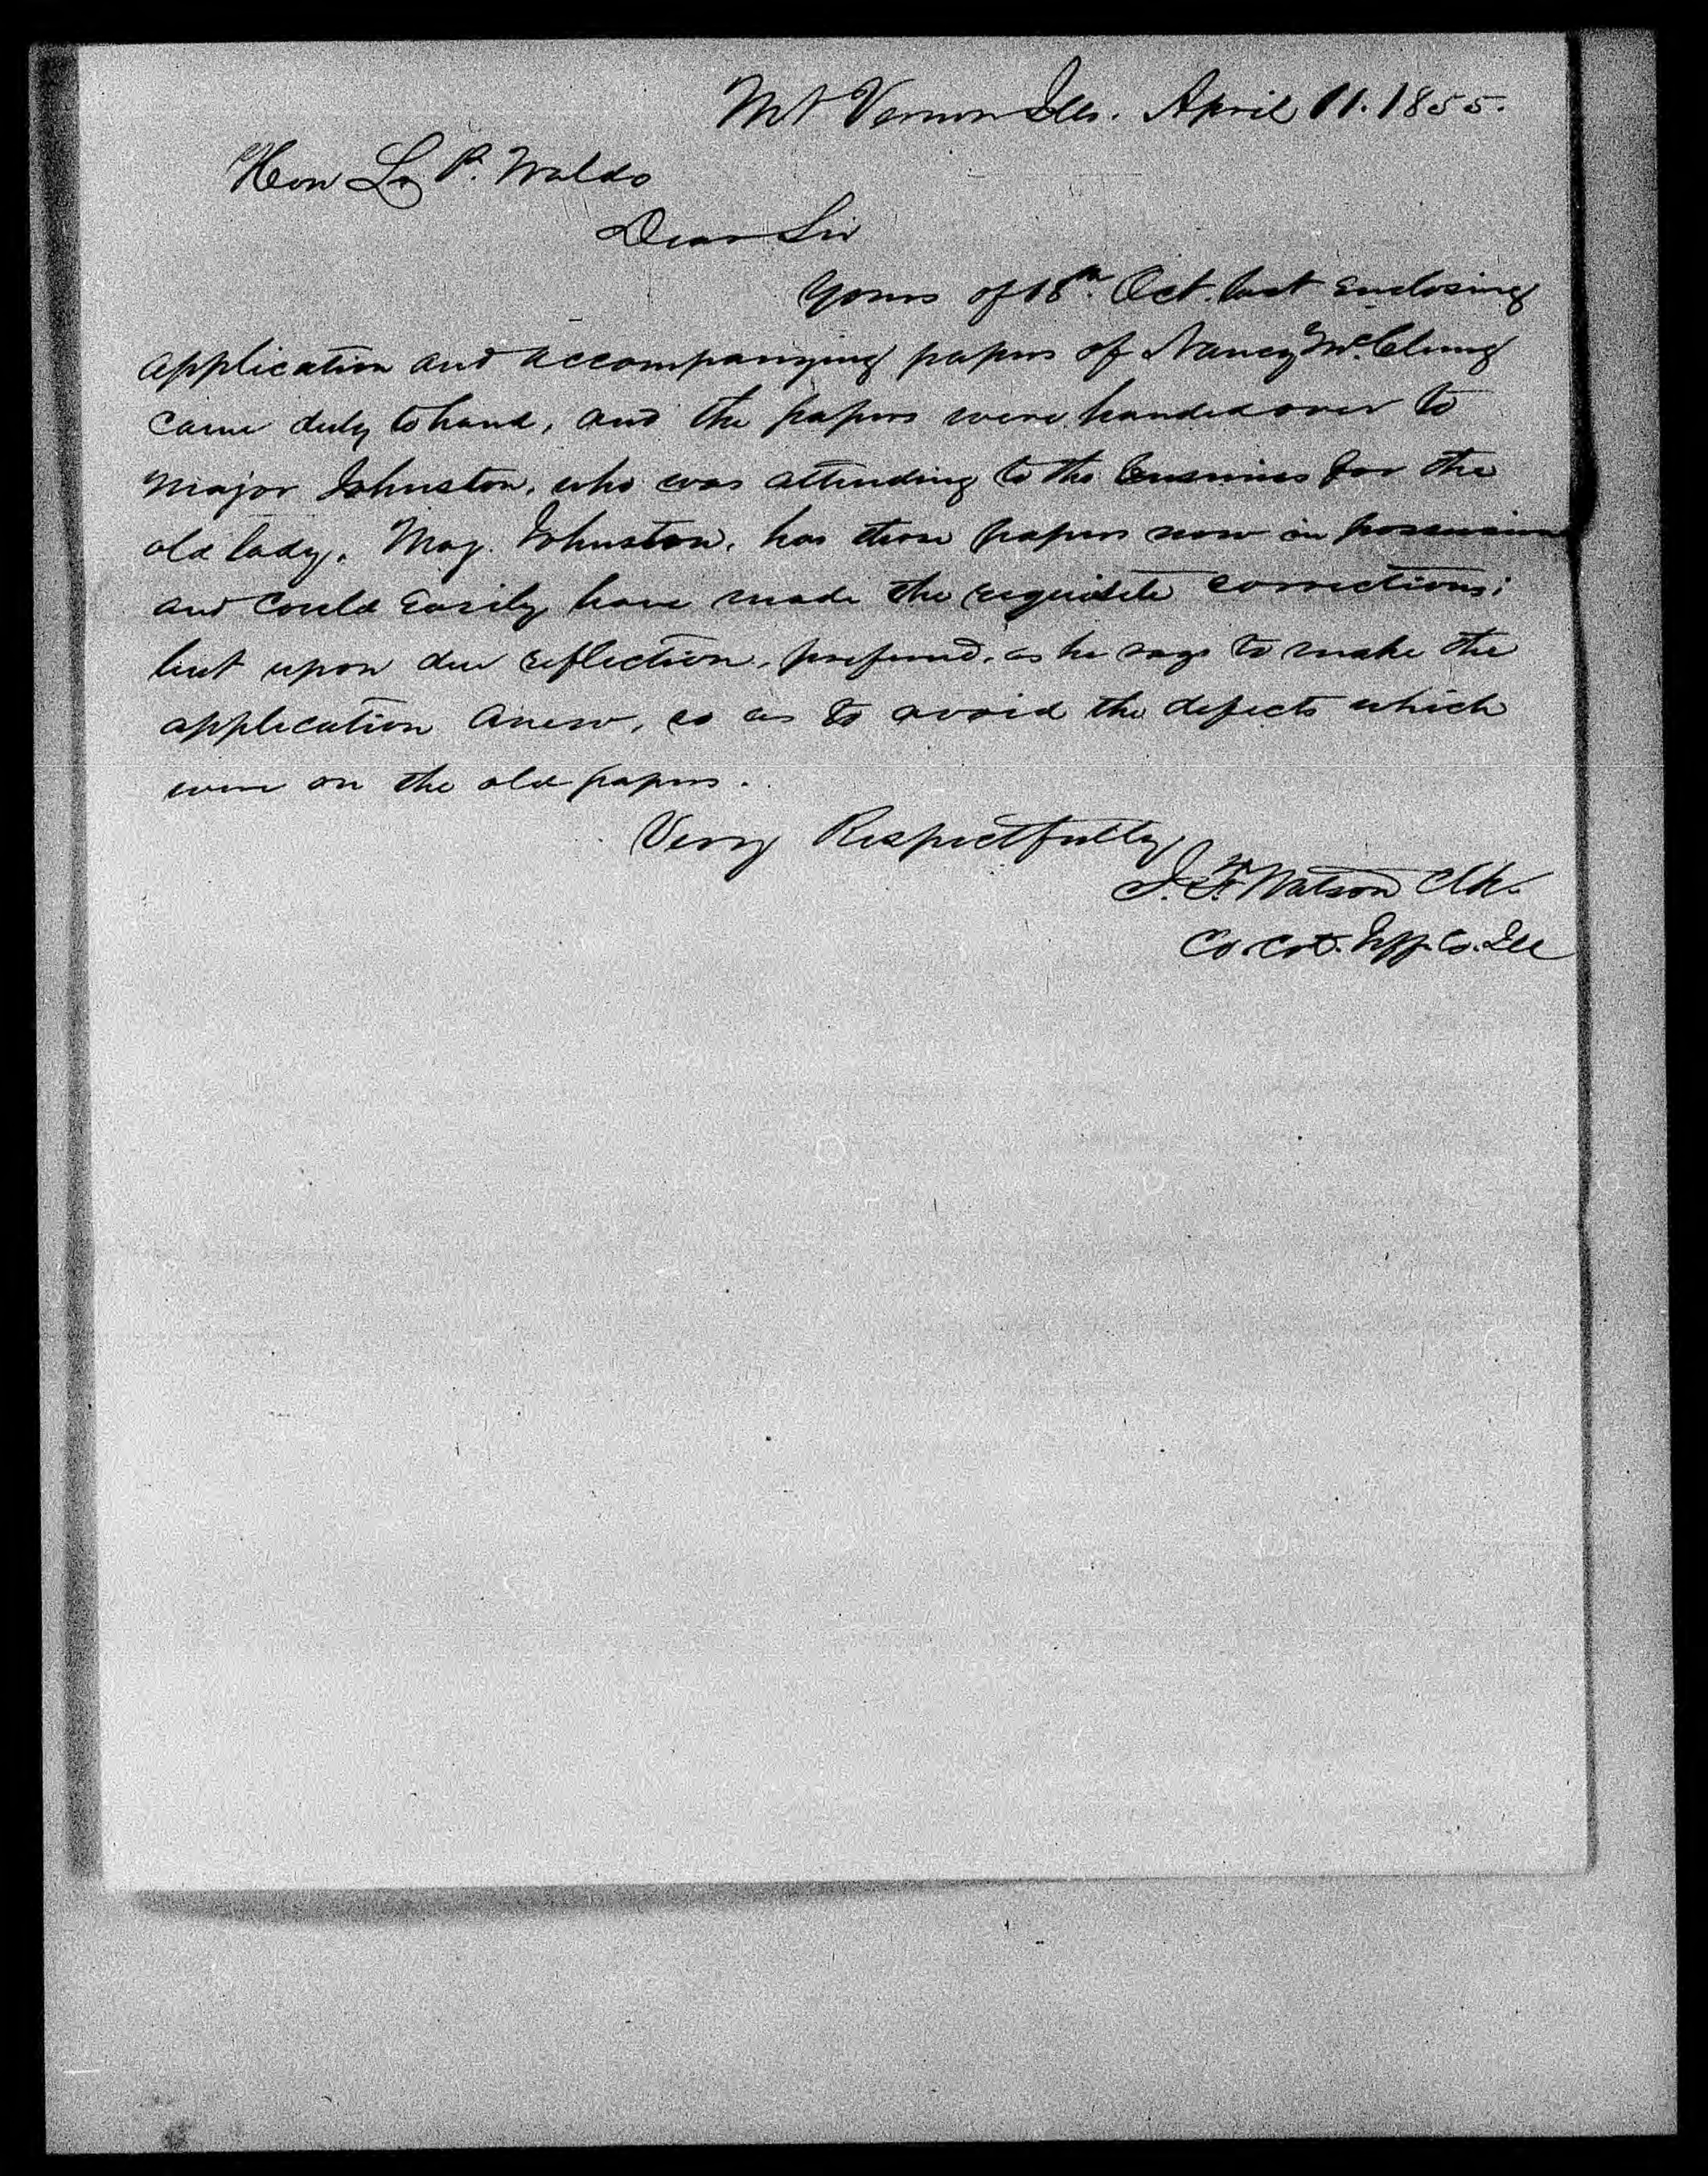Mt. Vernon Ils. April 11. 1855.
Hon L. P. Waldo

Dear Sir
Yours of 18th Oct last enclosing Application and accompanying papers of Nancy McClung came
duly to hand, and the papers were handed over to Major Johnston, who was attending to the pensions for the old lady. Maj. Johnston has those papers now in possession and could easily have made the requisite corrections but upon due reflection, preferred, as he says to make the
application anew, so as to avoid the defects which were on the old papers
Very Respectfully
J. Watson Clk
Co Ct Jeff Co Ill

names: J F Watson; Nancy Mc Clung; L P Waldo; [BLANK] Johnston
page: 77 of 115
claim: widow's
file: W. 1446, for John Mc Clung, South Carolina